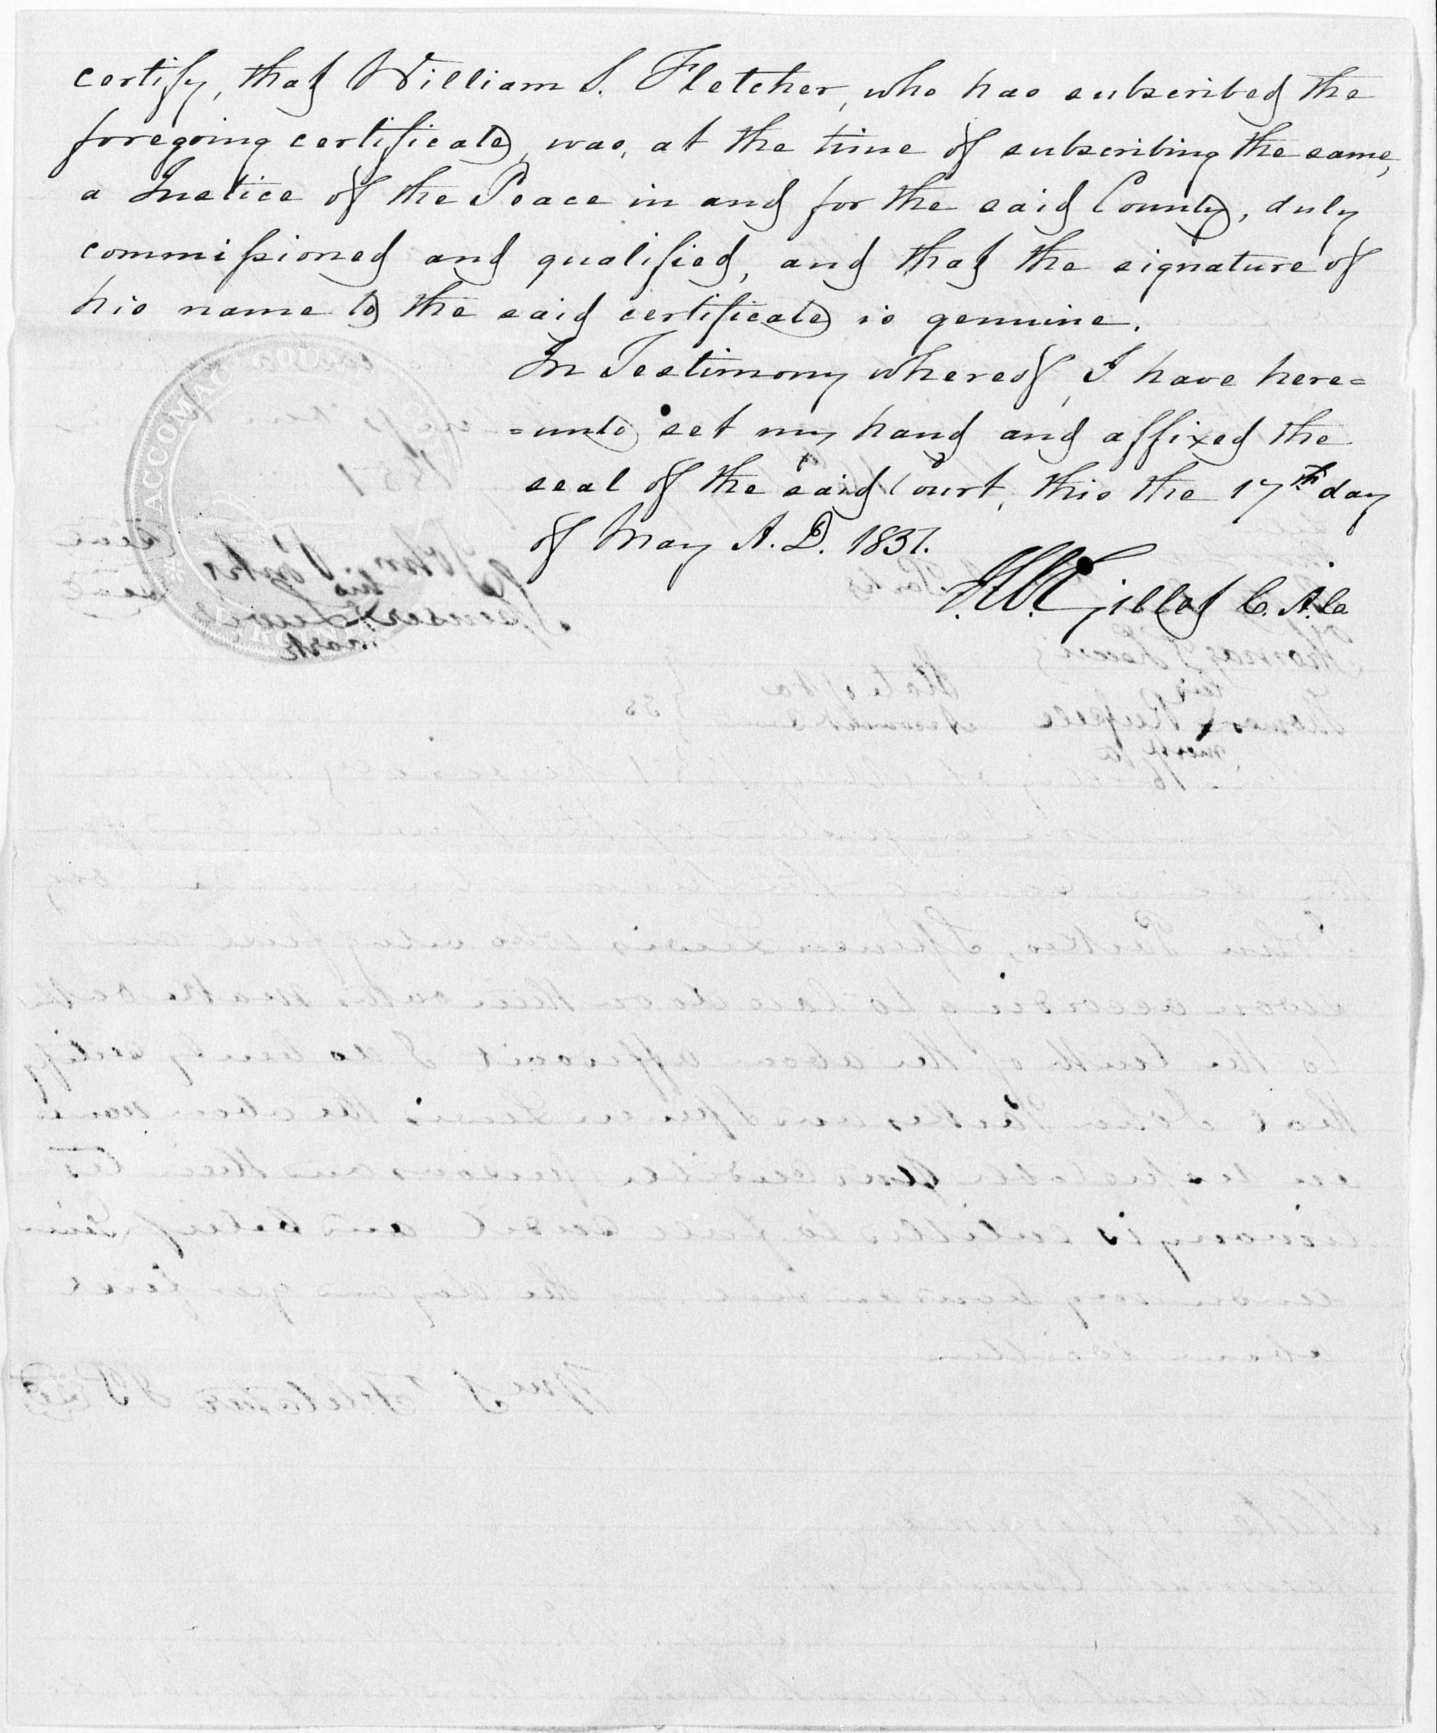certify, that William S. Fletcher, who was subscribed the foregoing certificate, was, at the time of subscribing the same, a Justice of the Peace in and for the said County, duly commissioned and qualified, and that the signature of his name to the said certificate is genuine.
In Testimony whereof I have hereunto set my hand the affixed the seal of the said Court, this the 17th day of May A.D. 1837
J.W. Gillet C.A.C.

[SEAL]
Accomack County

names: William S Fletcher, J W Gillet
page: 21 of 27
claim: widow's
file: W 5624, Levi Annis, Va. Va. Sea Service